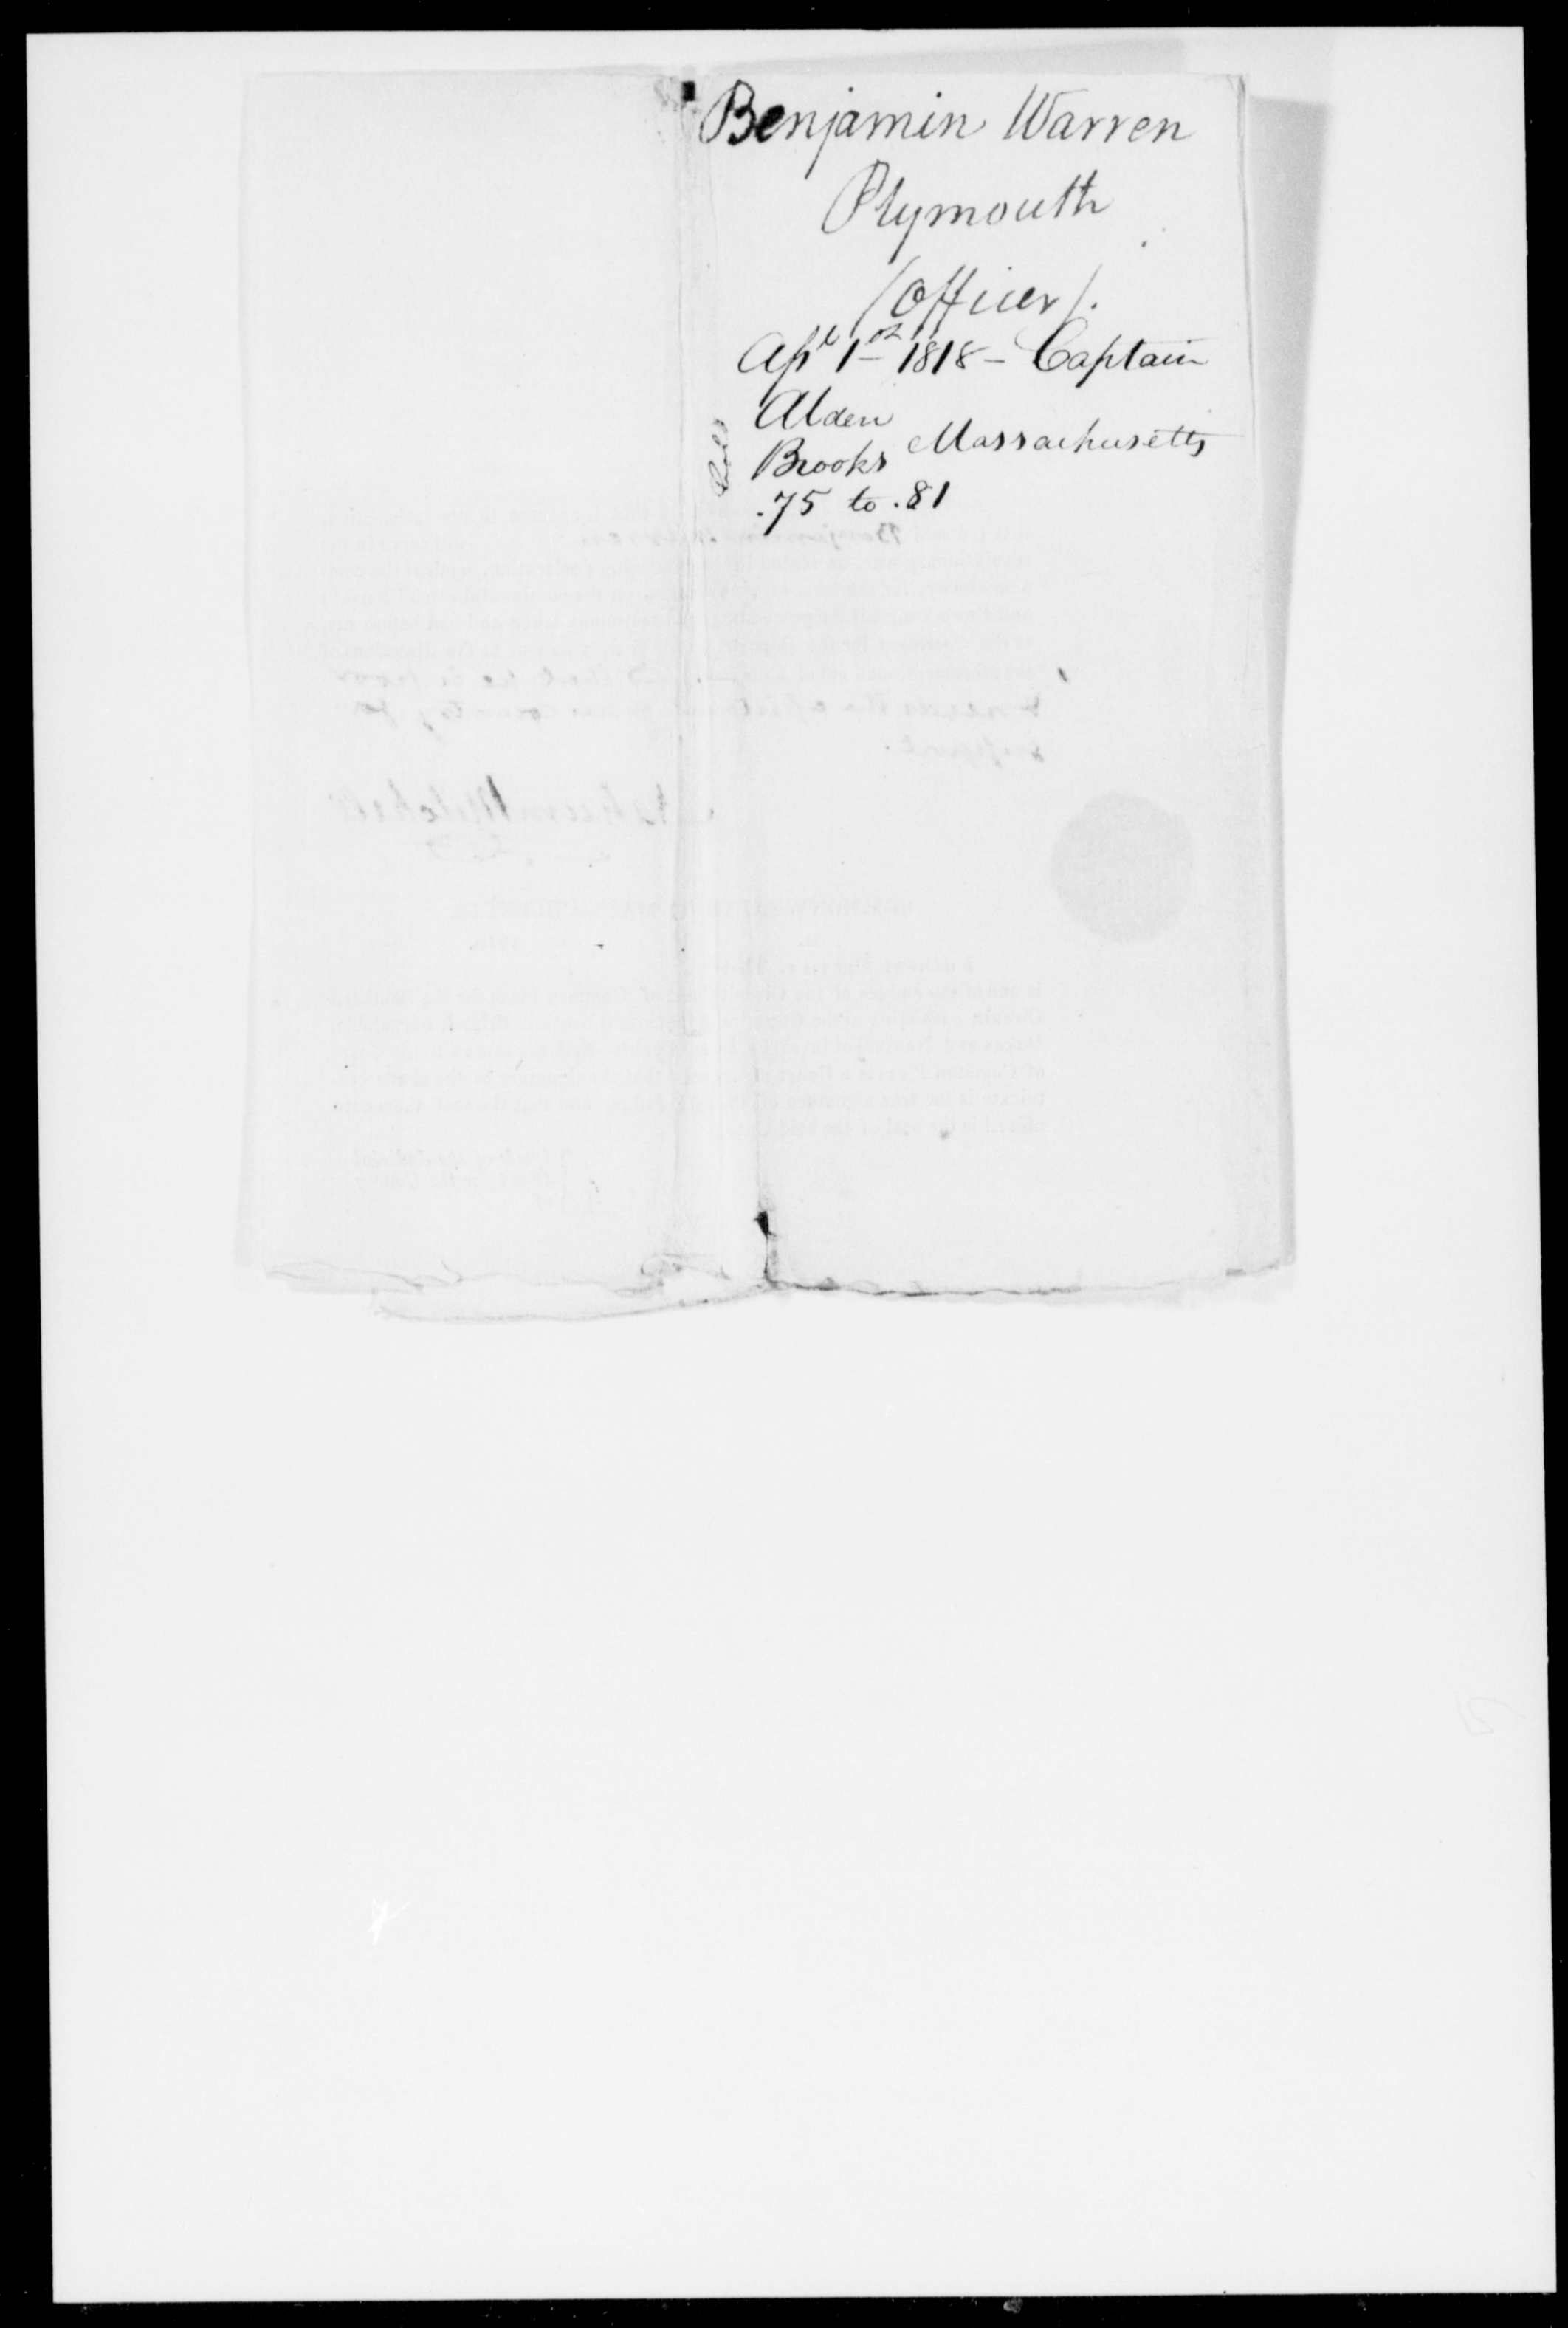Benjamin Warren
Plymouth
(officer)
Apl.1st 1818 Captain
Alden
Brooks  Massachusetts
75 to 81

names: Alden, Benjamin Warren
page: 9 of 16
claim: survivor's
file: S. 33229, Benjamin Warren, Mass.